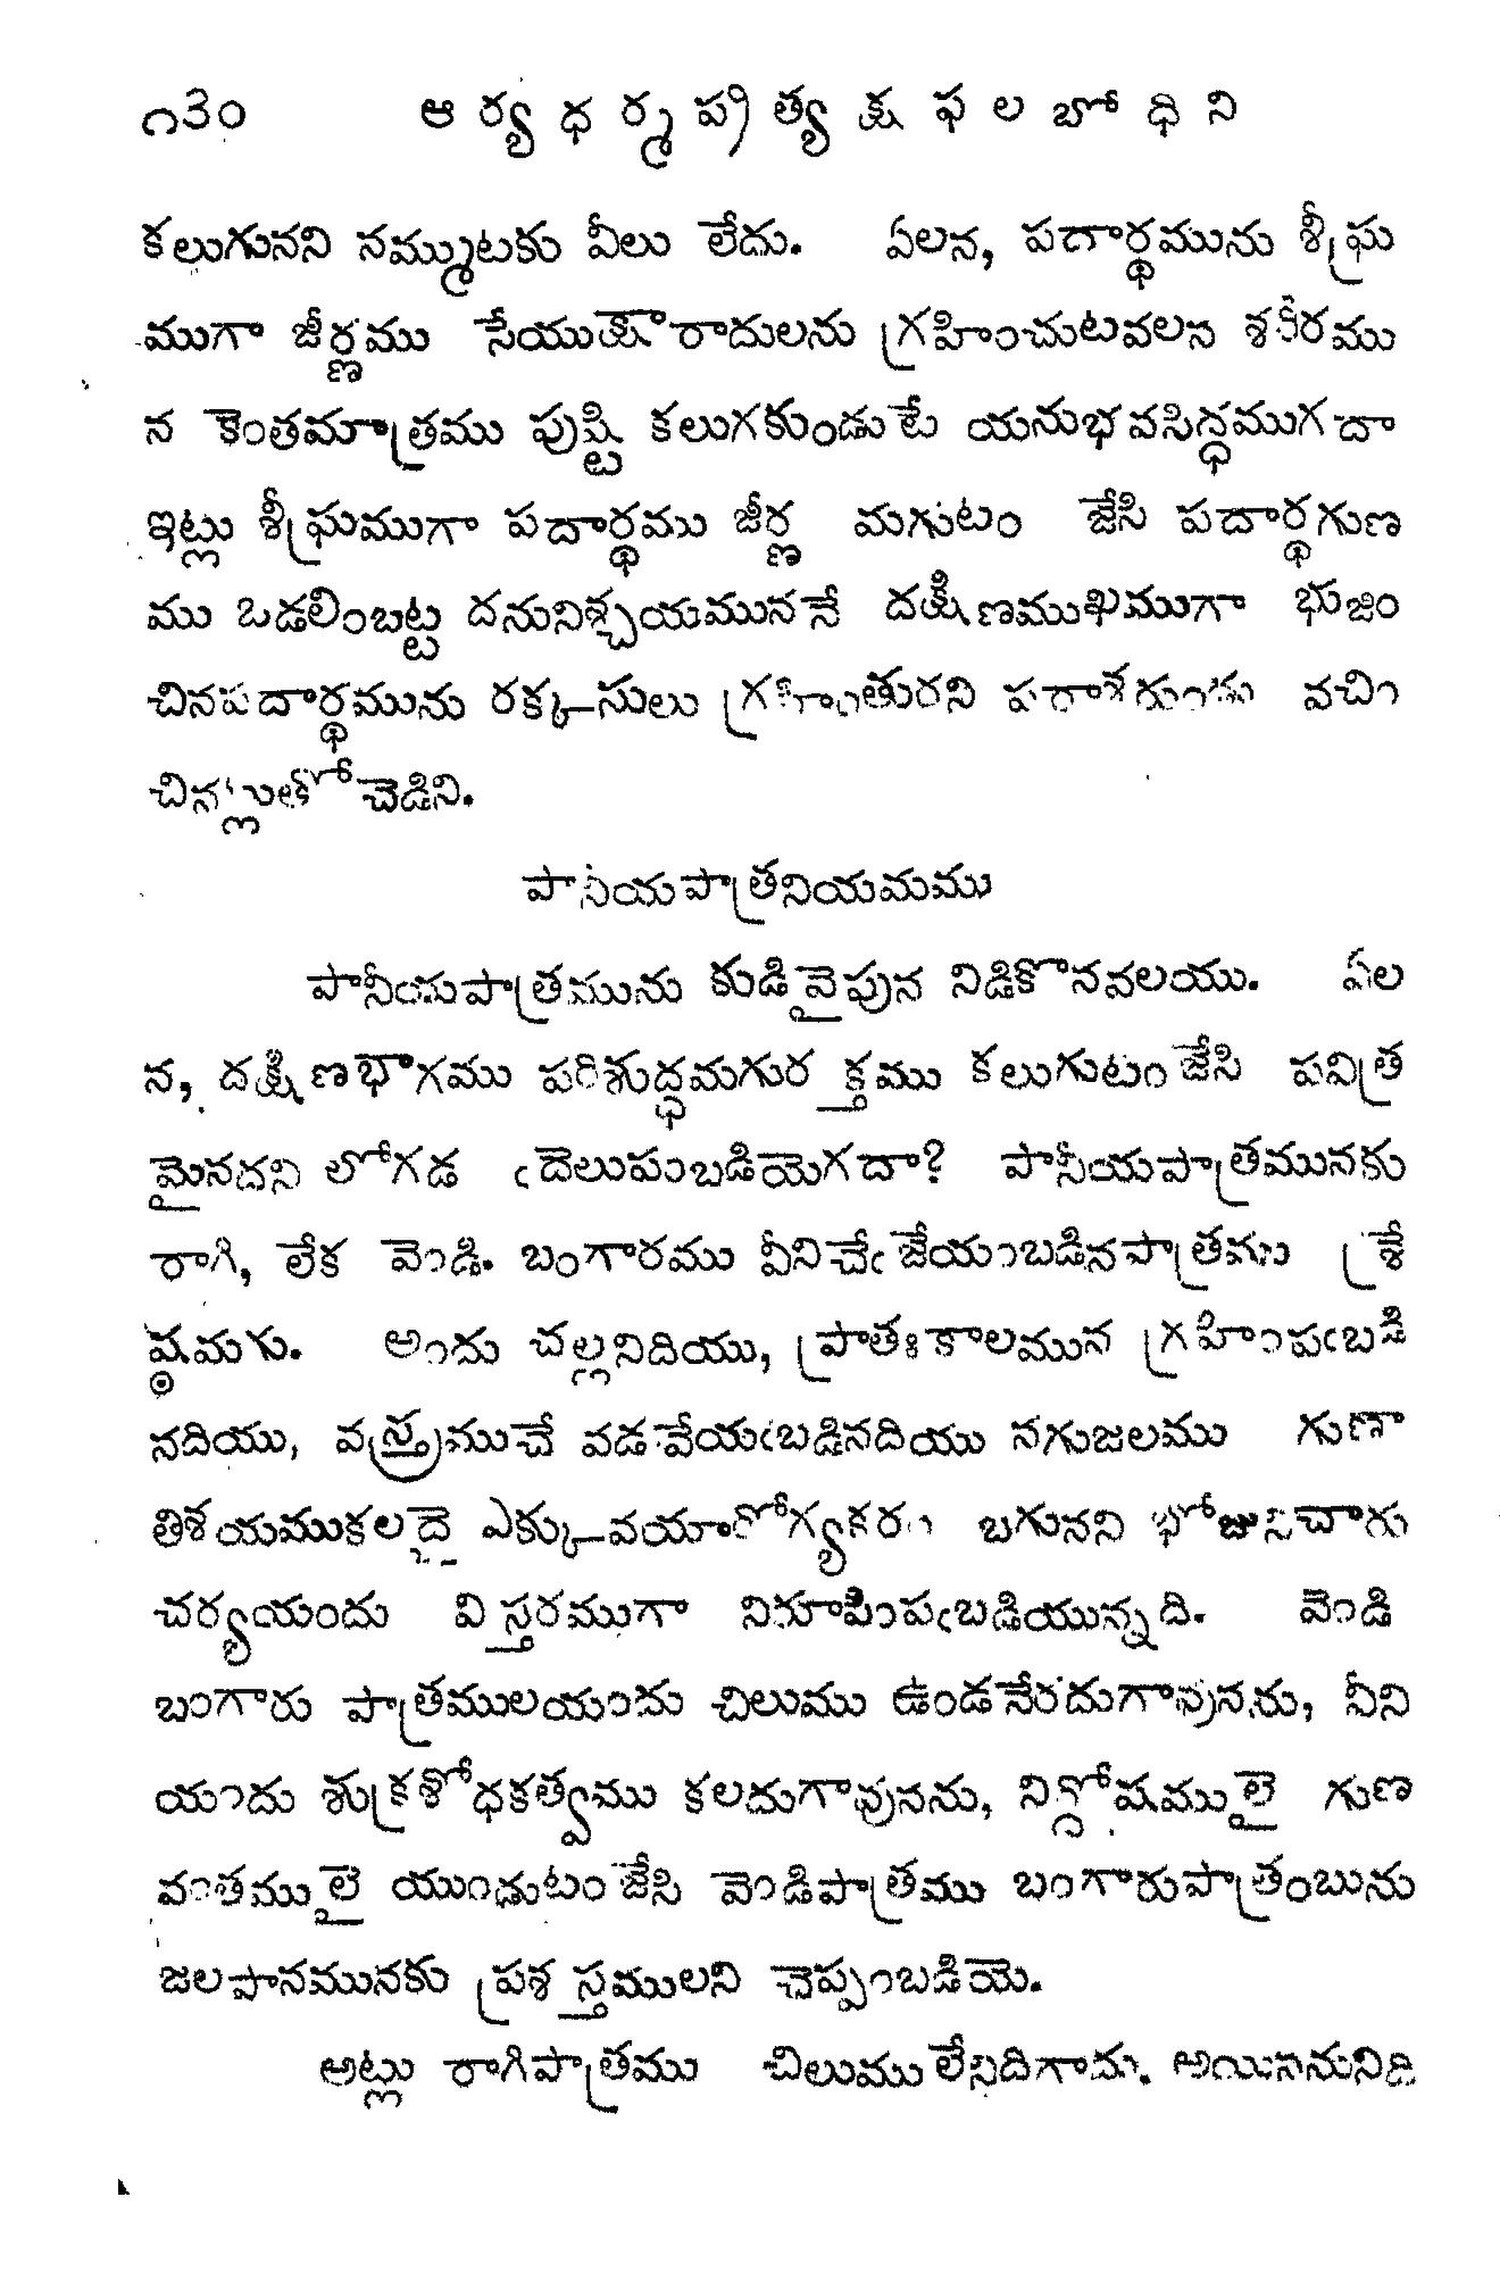కలుగునని నమ్ముటకు వీలు లేదు. ఏలన, పదార్థమును శీఘ్రముగా జీర్ణము సేయుక్షారాదులను గ్రహించుటవలన శరీరమున కెంతమాత్రము పుష్టి కలుగకుండుటే యనుభవసిద్ధముగదా ఇట్లు శీఘ్రముగా పదార్థము జీర్ణ మగుటం జేసి పదార్థగుణము ఒడలింబట్ట దనునిశ్చయముననే దక్షిణముఖముగా భుజించినపదార్థమును రక్కసులు గ్రహింతురని పరాశరుడు వచించినట్లుతోచెడిని.

పానీయపాత్రమును కుడివైపున నిడికొనవలయు. ఏలన, దక్షిణభాగము పరిశుద్ధమగురక్తము కలుగుటంజేసి పవిత్రమైనదని లోగడ దెలుపంబడియెగదా? పానీయపాత్రమునకు రాగి, లేక వెండి, బంగారము వీనిచేఁజేయఁబడినపాత్రము శ్రేష్ఠమగు. అందు చల్లనిదియు, ప్రాతఃకాలమున గ్రహింపఁబడినదియు, వస్త్రముచే వడవేయఁబడినదియు నగుజలము గుణాతిశయముకలదై ఎక్కువయారోగ్యకరం బగునని భోజునిచారుచర్యయందు విస్తరముగా నిరూపింపఁబడియున్నది. వెండి బంగారు పాత్రములయందు చిలుము ఉండనేరదుగావునను, వీనియందు శుక్రశోధకత్వము కలదుగావునను, నిర్దోషములై గుణవంతములై యుండుటంజేసి వెండిపాత్రము బంగారుపాత్రంబును జలపానమునకు ప్రశస్తములని చెప్పబడియె.

అట్లు రాగిపాత్రము చిలుములేనిదిగాదు. అయిననునిది